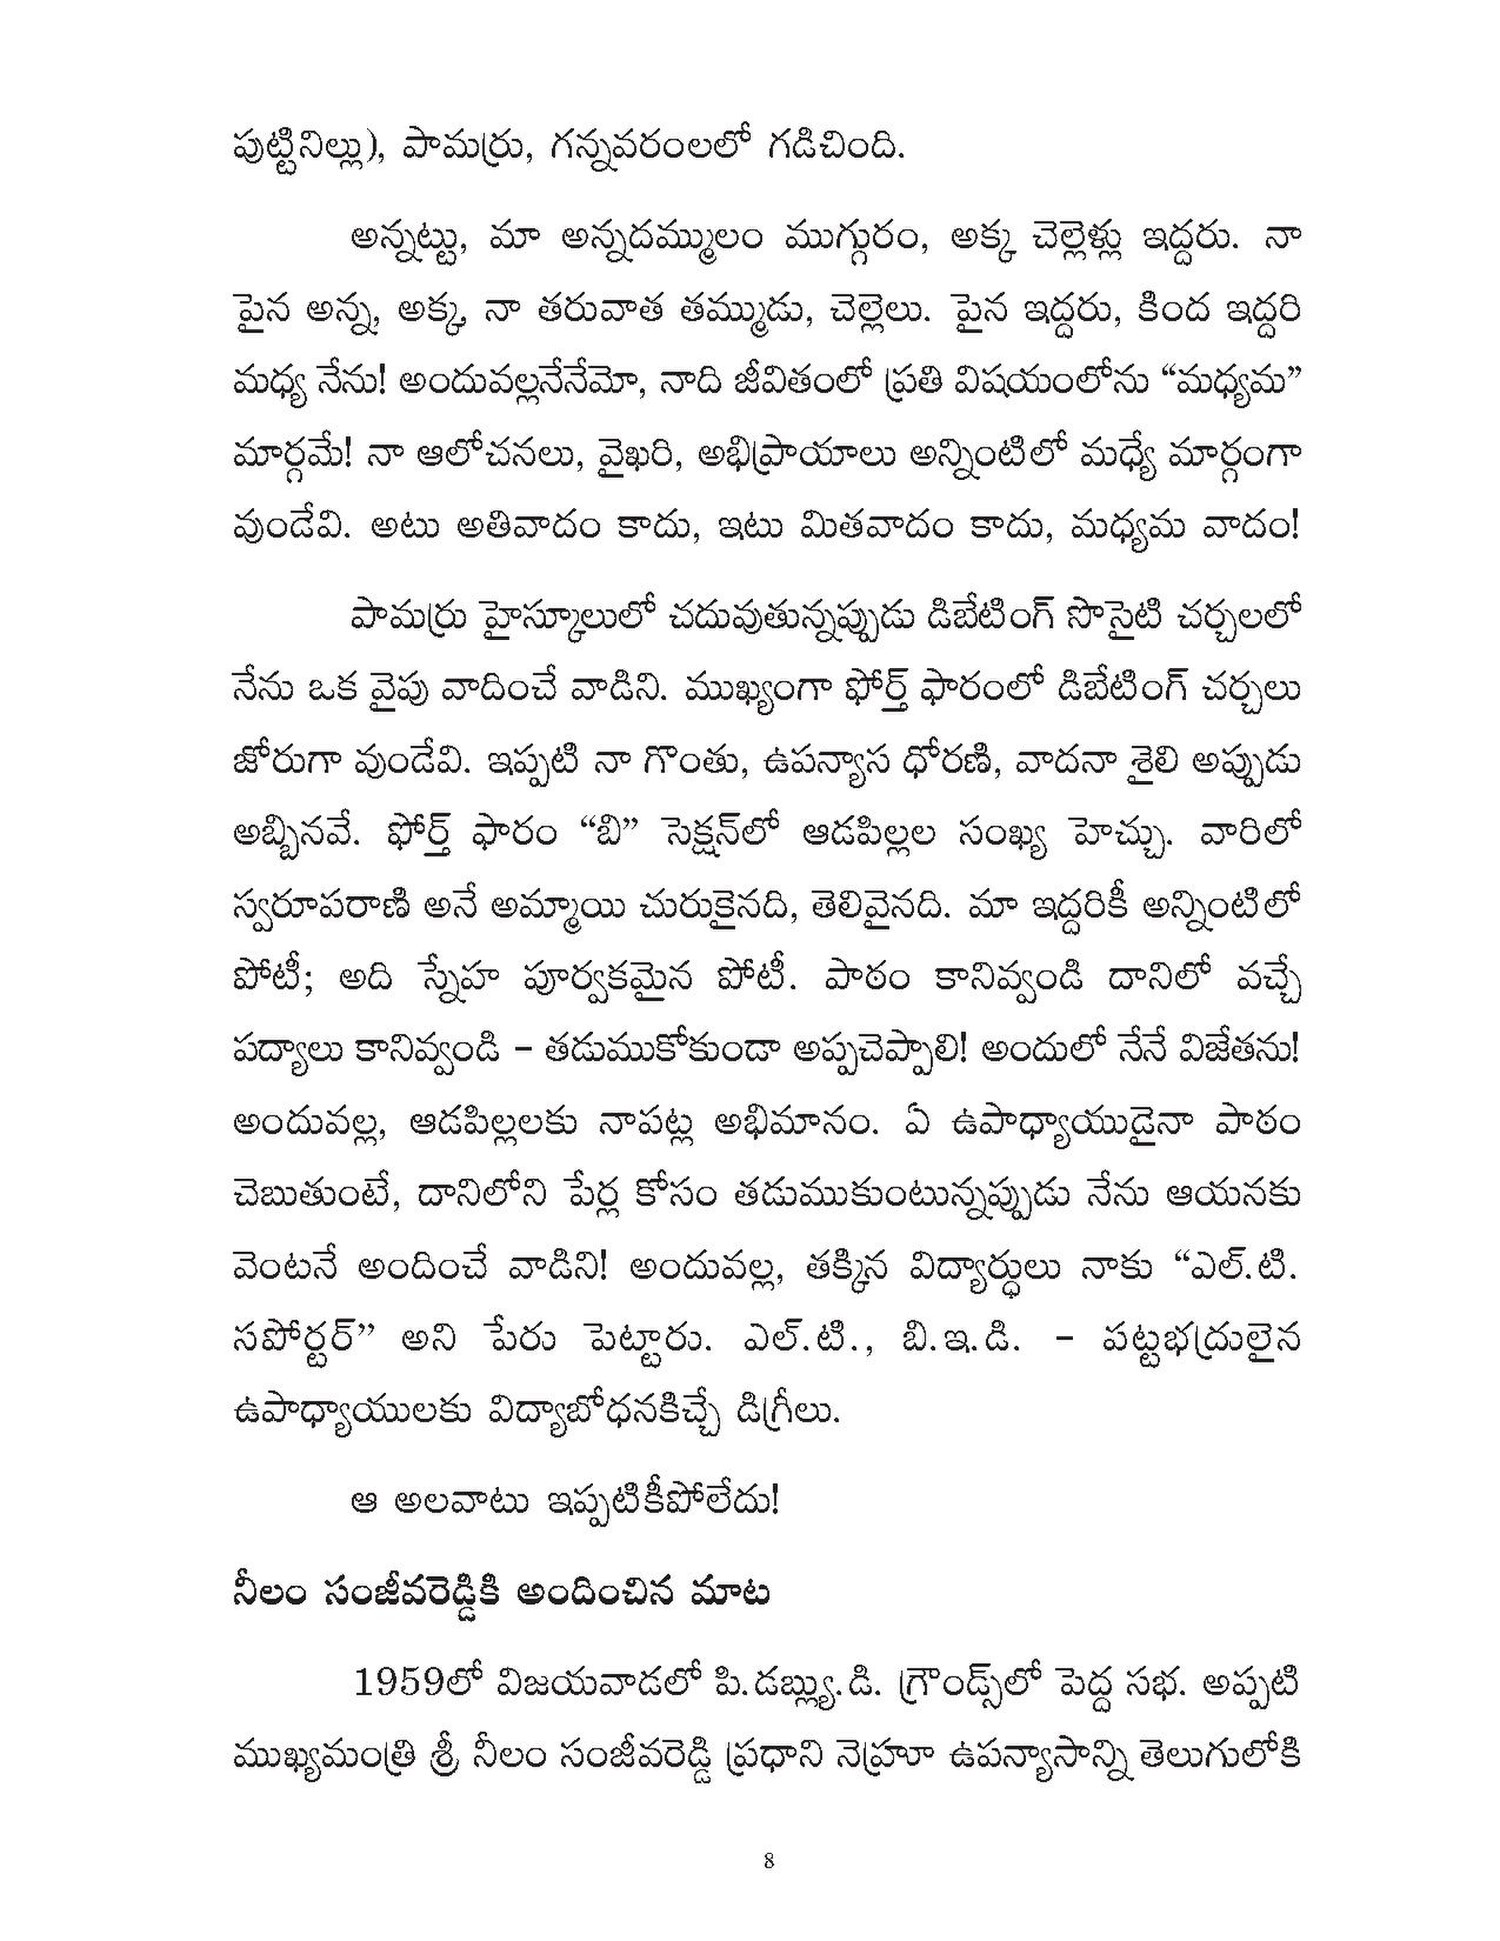పుట్టినిల్లు), పామర్రు, గన్నవరంలలో గడిచింది.

అన్నట్టు, మా అన్నదమ్ములం ముగ్గురం, అక్క చెల్లెళ్లు ఇద్దరు. నా
పైన అన్న, అక్క, నా తరువాత తమ్ముడు, చెల్లెలు. పైన ఇద్దరు, కింద ఇద్దరి
మధ్య నేను! అందువల్లనేనేమో, నాది జీవితంలో ప్రతి విషయంలోను "మధ్యమ"
మార్గమే! నా ఆలోచనలు, వైఖరి, అభిప్రాయాలు అన్నింటిలో మధ్యే మార్గంగా
వుండేవి. అటు అతివాదం కాదు, ఇటు మితవాదం కాదు, మధ్యమ వాదం!

పామర్రు హైస్కూలులో చదువుతున్నప్పుడు డిబేటింగ్‌ సొసైటి చర్చలలో
నేను ఒక వైపు వాదించే వాడిని. ముఖ్యంగా ఫోర్త్‌ ఫారంలో డిబేటింగ్‌ చర్చలు
జోరుగా వుండేవి. ఇప్పటి నా గొంతు, ఉపన్యాస ధోరణి, వాదనా శైలి అప్పుడు
అబ్బినవే. ఫోర్త్‌ ఫారం "బి" సెక్షన్‌లో ఆడపిల్లల సంఖ్య హెచ్చు. వారిలో
స్వరూపరాణి అనే అమ్మాయి చురుకైనది, తెలివైనది. మా ఇద్దరికీ అన్నింటిలో
పోటీ; అది స్నేహ పూర్వకమైన పోటీ. పాఠం కానివ్వండి దానిలో వచ్చే
పద్యాలు కానివ్వండి - తడుముకోకుండా అప్పచెప్పాలి! అందులో నేనే విజేతను!
అందువల్ల, ఆడపిల్లలకు నాపట్ల అభిమానం. ఏ ఉపాధ్యాయుడైనా పాఠం
చెబుతుంటే, దానిలోని పేర్ల కోసం తడుముకుంటున్నప్పుడు నేను ఆయనకు
వెంటనే అందించే వాడిని! అందువల్ల, తక్కిన విద్యార్ధులు నాకు "ఎల్‌.టి.
సపోర్టర్‌" అని పేరు పెట్టారు. ఎల్‌.టి., బి.ఇ.డి. - పట్టభద్రులైన
ఉపాధ్యాయులకు విద్యాబోధనకిచ్చే డిగ్రీలు.

ఆ అలవాటు ఇప్పటికీపోలేదు!
నీలం సంజీవరెడ్డికి అందించిన మాట
1959లో విజయవాడలో పి.డబ్ల్యు.డి. గ్రౌండ్స్‌లో పెద్ద సభ. అప్పటి
ముఖ్యమంత్రి శ్రీ నీలం సంజీవరెడ్డి ప్రధాని నెహ్రూ ఉపన్యాసాన్ని తెలుగులోకి